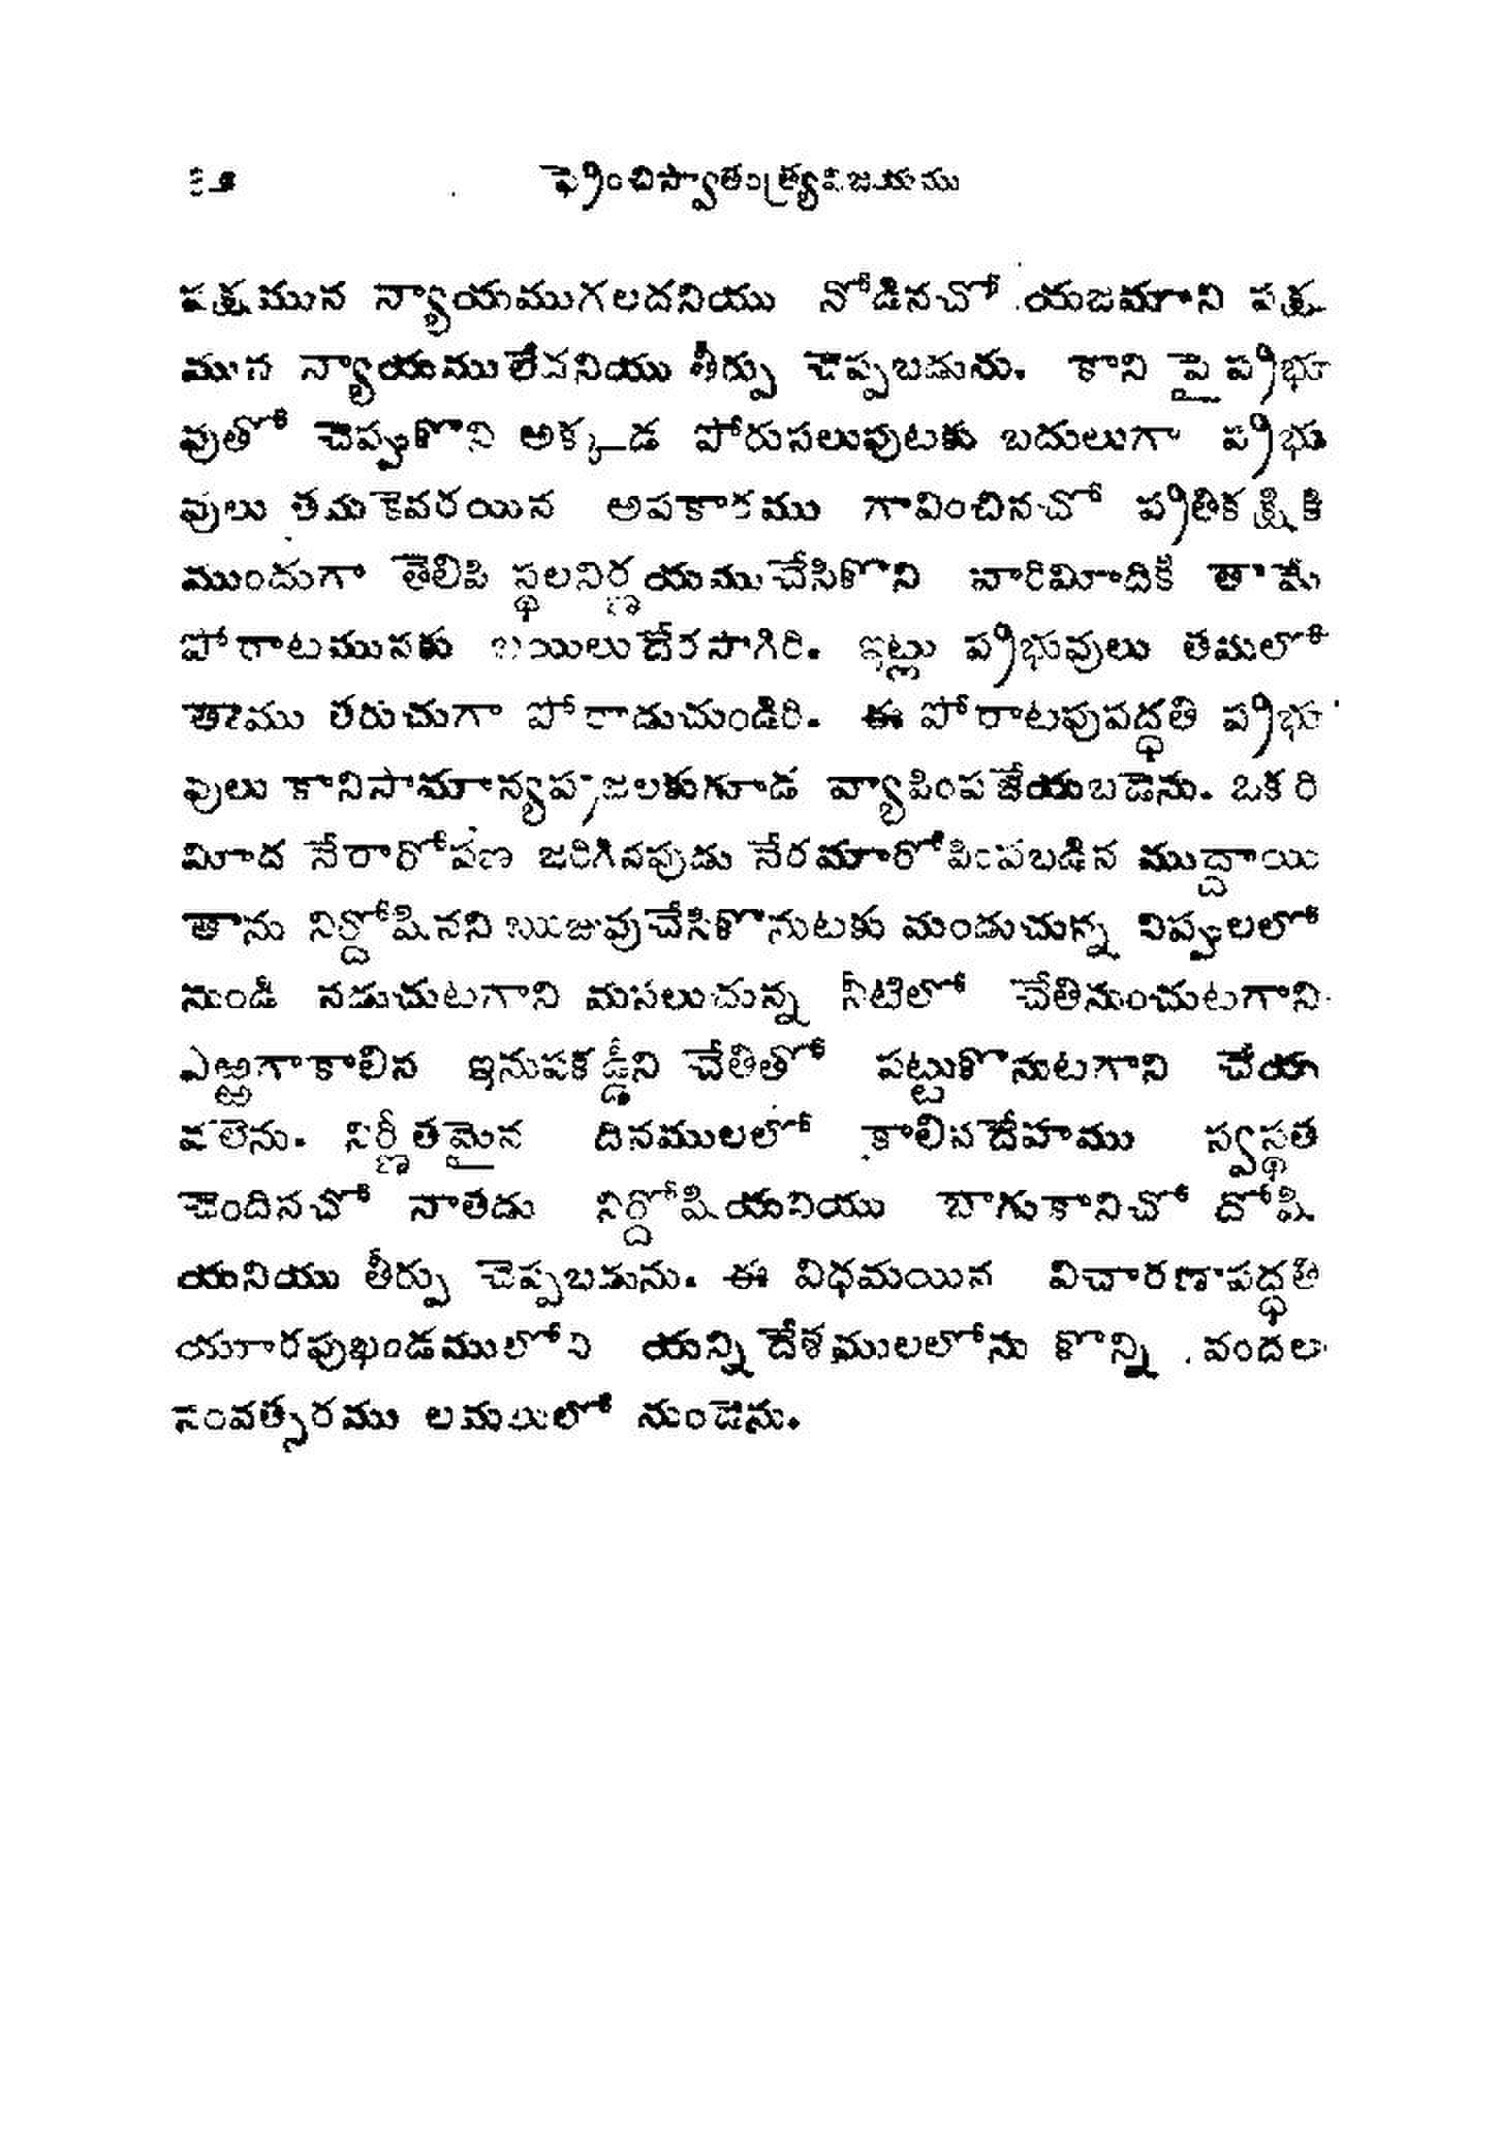పక్షమున న్యాయముగలదనియు నోడినచో .యజమాని షక్ష.
మున న్యాయము లేవనియు తీర్పు చెప్పబడును. కాని పై ప్రభు
పుతో చెప్పుకొని అక్కడ పోరుసలుపుటకు బదులుగా ప్రభు
వులు తమ కెవరయిన అపకారము గావించినచో ప్రతిక క్షి కి
ముందుగా తెలిపి స్థలనిర్ణయము చేసికొని వారిమీదికి తామే
పోరాటమునకు బయలు దేర సాగిరి. ఇట్లు ప్రభువులు తమలో
తాము తరుచుగా పోరాడుచుండిరి. ఈ పోరాటపు పద్ధతి ప్రభు 
పులు కాని సామాన్య ప్రజలకుగూడ వ్యాపింప జేయబడెను. ఒకరి
మీద నేరారోపణ జరిగినపుడు నేరమారోపింపబడిన ముద్దాయి
తాను నిర్దోషినని ఋజువు చేసికొనుటకు మండుచున్న విప్పులలో
నుండి నడుచుటగాని మసలుచున్న నీటిలో చేతినుంచుటగాని.
ఎఱ్ఱగా కాలిన ఇనుపకడ్డీని చేతితో పట్టుకొనుటగాని చేయు
వలెను. నిర్ణీతమైన దినములలో కాలిన దేహము స్వస్థత
చెందినచో నాతడు నిర్దాషియనియు బాగు కానిచో దోషి
యనియు తీర్పు చెప్పబడును. ఈ విధమయిన విచారణ పద్ధతి
యూరఫుఖండములోని యన్ని దేశములలోను కొన్ని వందల
సంవత్సరము లమలులో నుండెను.